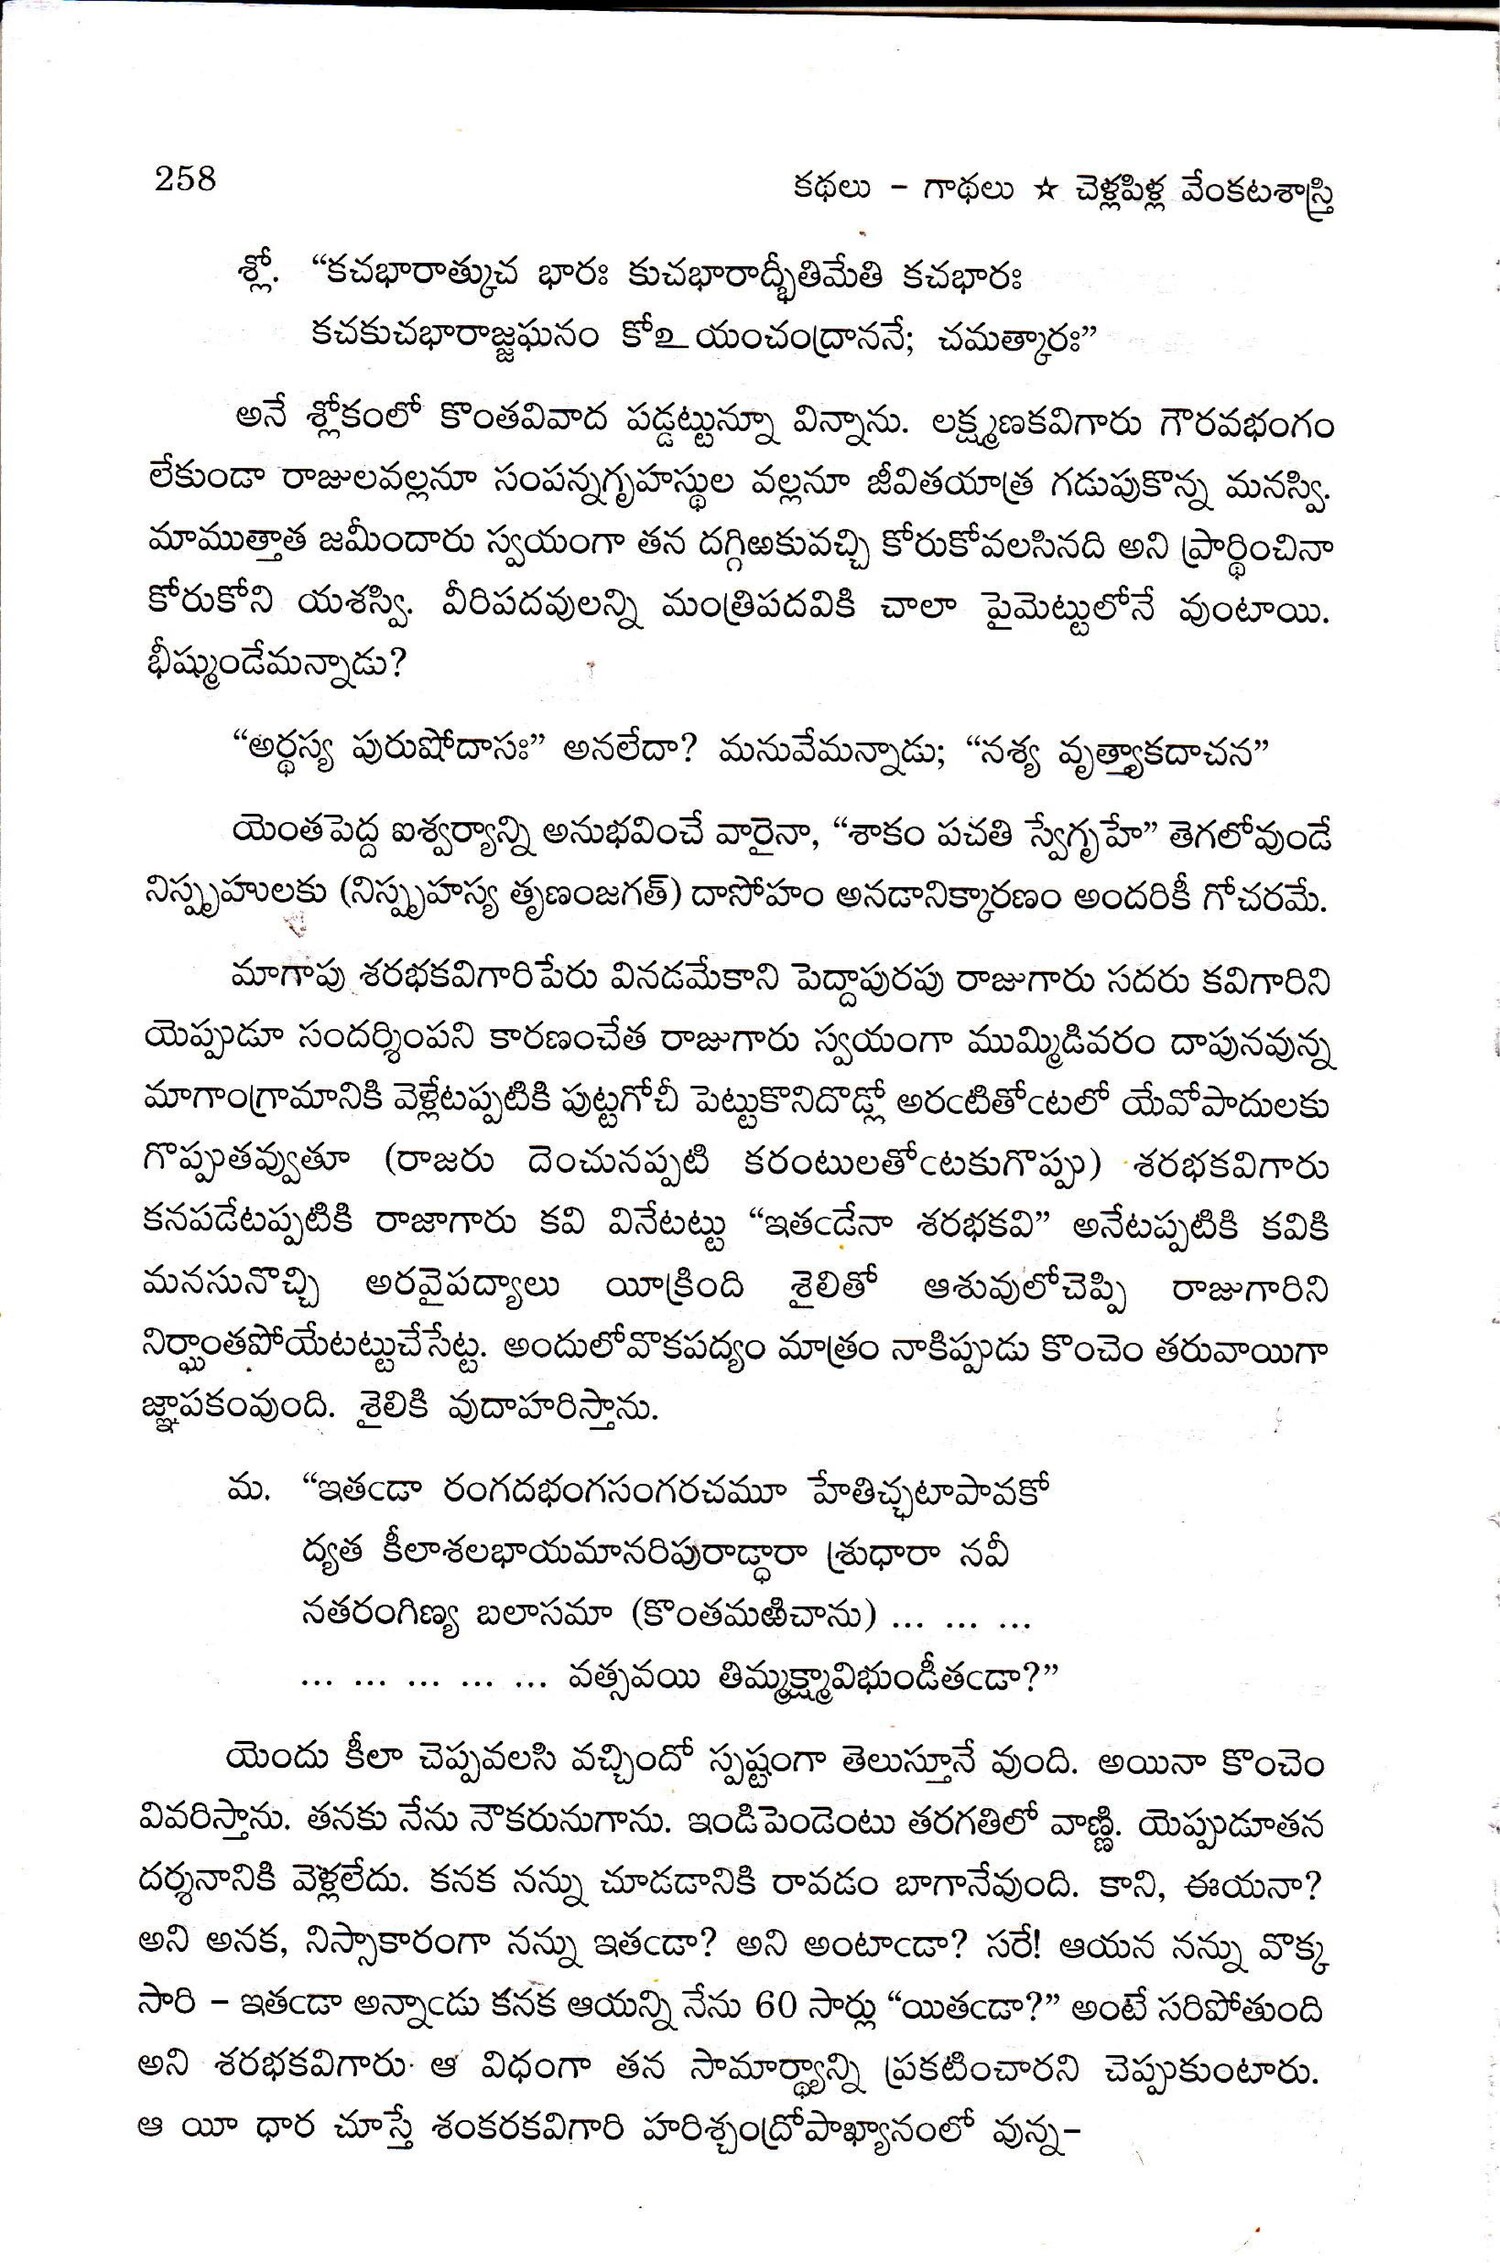శ్లో. “కచభారాత్కుచ భారః కుచభారాద్భీతిమేతి కచభారః
 కచకుచభారాజ్జఘనం కో౽యంచంద్రాననే; చమత్కారః"
అనే శ్లోకంలో కొంతవివాద పడ్డట్టున్నూ విన్నాను. లక్ష్మణకవిగారు గౌరవభంగం లేకుండా రాజులవల్లనూ సంపన్నగృహస్థుల వల్లనూ జీవితయాత్ర గడుపుకొన్న మనస్వి మాముత్తాత జమీందారు స్వయంగా తన దగ్గిఱకువచ్చి కోరుకోవలసినది అని ప్రార్థించినా కోరుకోని యశస్వి. వీరిపదవులన్ని మంత్రిపదవికి చాలా పైమెట్టులోనే వుంటాయి. భీష్ముండేమన్నాడు?

"అర్థస్య పురుషోదాసః" అనలేదా? మనువేమన్నాడు; “నశ్య వృత్త్యాకదాచన"
యెంతపెద్ద ఐశ్వర్యాన్ని అనుభవించే వారైనా, “శాకం పచతి స్వేగృహే" తెగలోవుండే నిస్పృహులకు (నిస్పృహస్య తృణంజగత్) దాసోహం అనడానిక్కారణం అందరికీ గోచరమే.

మాగాపు శరభకవిగారిపేరు వినడమేకాని పెద్దాపురపు రాజుగారు సదరు కవిగారిని యెప్పుడూ సందర్శింపని కారణంచేత రాజుగారు స్వయంగా ముమ్మిడివరం దాపునవున్న మాగాంగ్రామానికి వెళ్లేటప్పటికి పుట్టగోచీ పెట్టుకొనిదొడ్లో అరఁటితోఁటలో యేవోపాదులకు గొప్పుతవ్వుతూ (రాజరు దెంచునప్పటి కరంటులతోఁటకు గొప్పు) శరభకవిగారు కనపడేటప్పటికి రాజాగారు కవి వినేటట్టు “ఇతఁడేనా శరభకవి" అనేటప్పటికి కవికి మనసునొచ్చి అరవైపద్యాలు యీ క్రింది శైలితో ఆశువులోచెప్పి రాజుగారిని నిర్ఘాంతపోయేటట్టుచేసేట్ట. అందులో వొకపద్యం మాత్రం నాకిప్పుడు కొంచెం తరువాయిగా జ్ఞాపకంవుంది. శైలికి వుదాహరిస్తాను.

మ. “ఇతఁడా రంగదభంగసంగరచమూ హేతిచ్చటాపావకో
 ద్యత కీలాశలభాయమానరిపురాడ్ధారా శ్రుధారా నవీ 
 నతరంగిణ్య బలాసమా (కొంతమఱిచాను) ... ... ...
 ... ... ... వత్సవయి తిమ్మక్ష్మావిభుండీతఁడా?"
యెందు కీలా చెప్పవలసి వచ్చిందో స్పష్టంగా తెలుస్తూనే వుంది. అయినా కొంచెం వివరిస్తాను. తనకు నేను నౌకరునుగాను. ఇండిపెండెంటు తరగతిలో వాణ్ణి. యెప్పుడూతన దర్శనానికి వెళ్లలేదు. కనక నన్ను చూడడానికి రావడం బాగానేవుంది. కాని, ఈయనా? అని అనక, నిస్సాకారంగా నన్ను ఇతఁడా? అని అంటాఁడా? సరే! ఆయన నన్ను వొక్క సారి - ఇతఁడా అన్నాఁడు కనక ఆయన్ని నేను 60 సార్లు “యితఁడా?" అంటే సరిపోతుంది అని శరభకవిగారు. ఆ విధంగా తన సామార్థ్యాన్ని ప్రకటించారని చెప్పుకుంటారు. ఆ యీ ధార చూస్తే శంకరకవిగారి హరిశ్చంద్రోపాఖ్యానంలో వున్న-